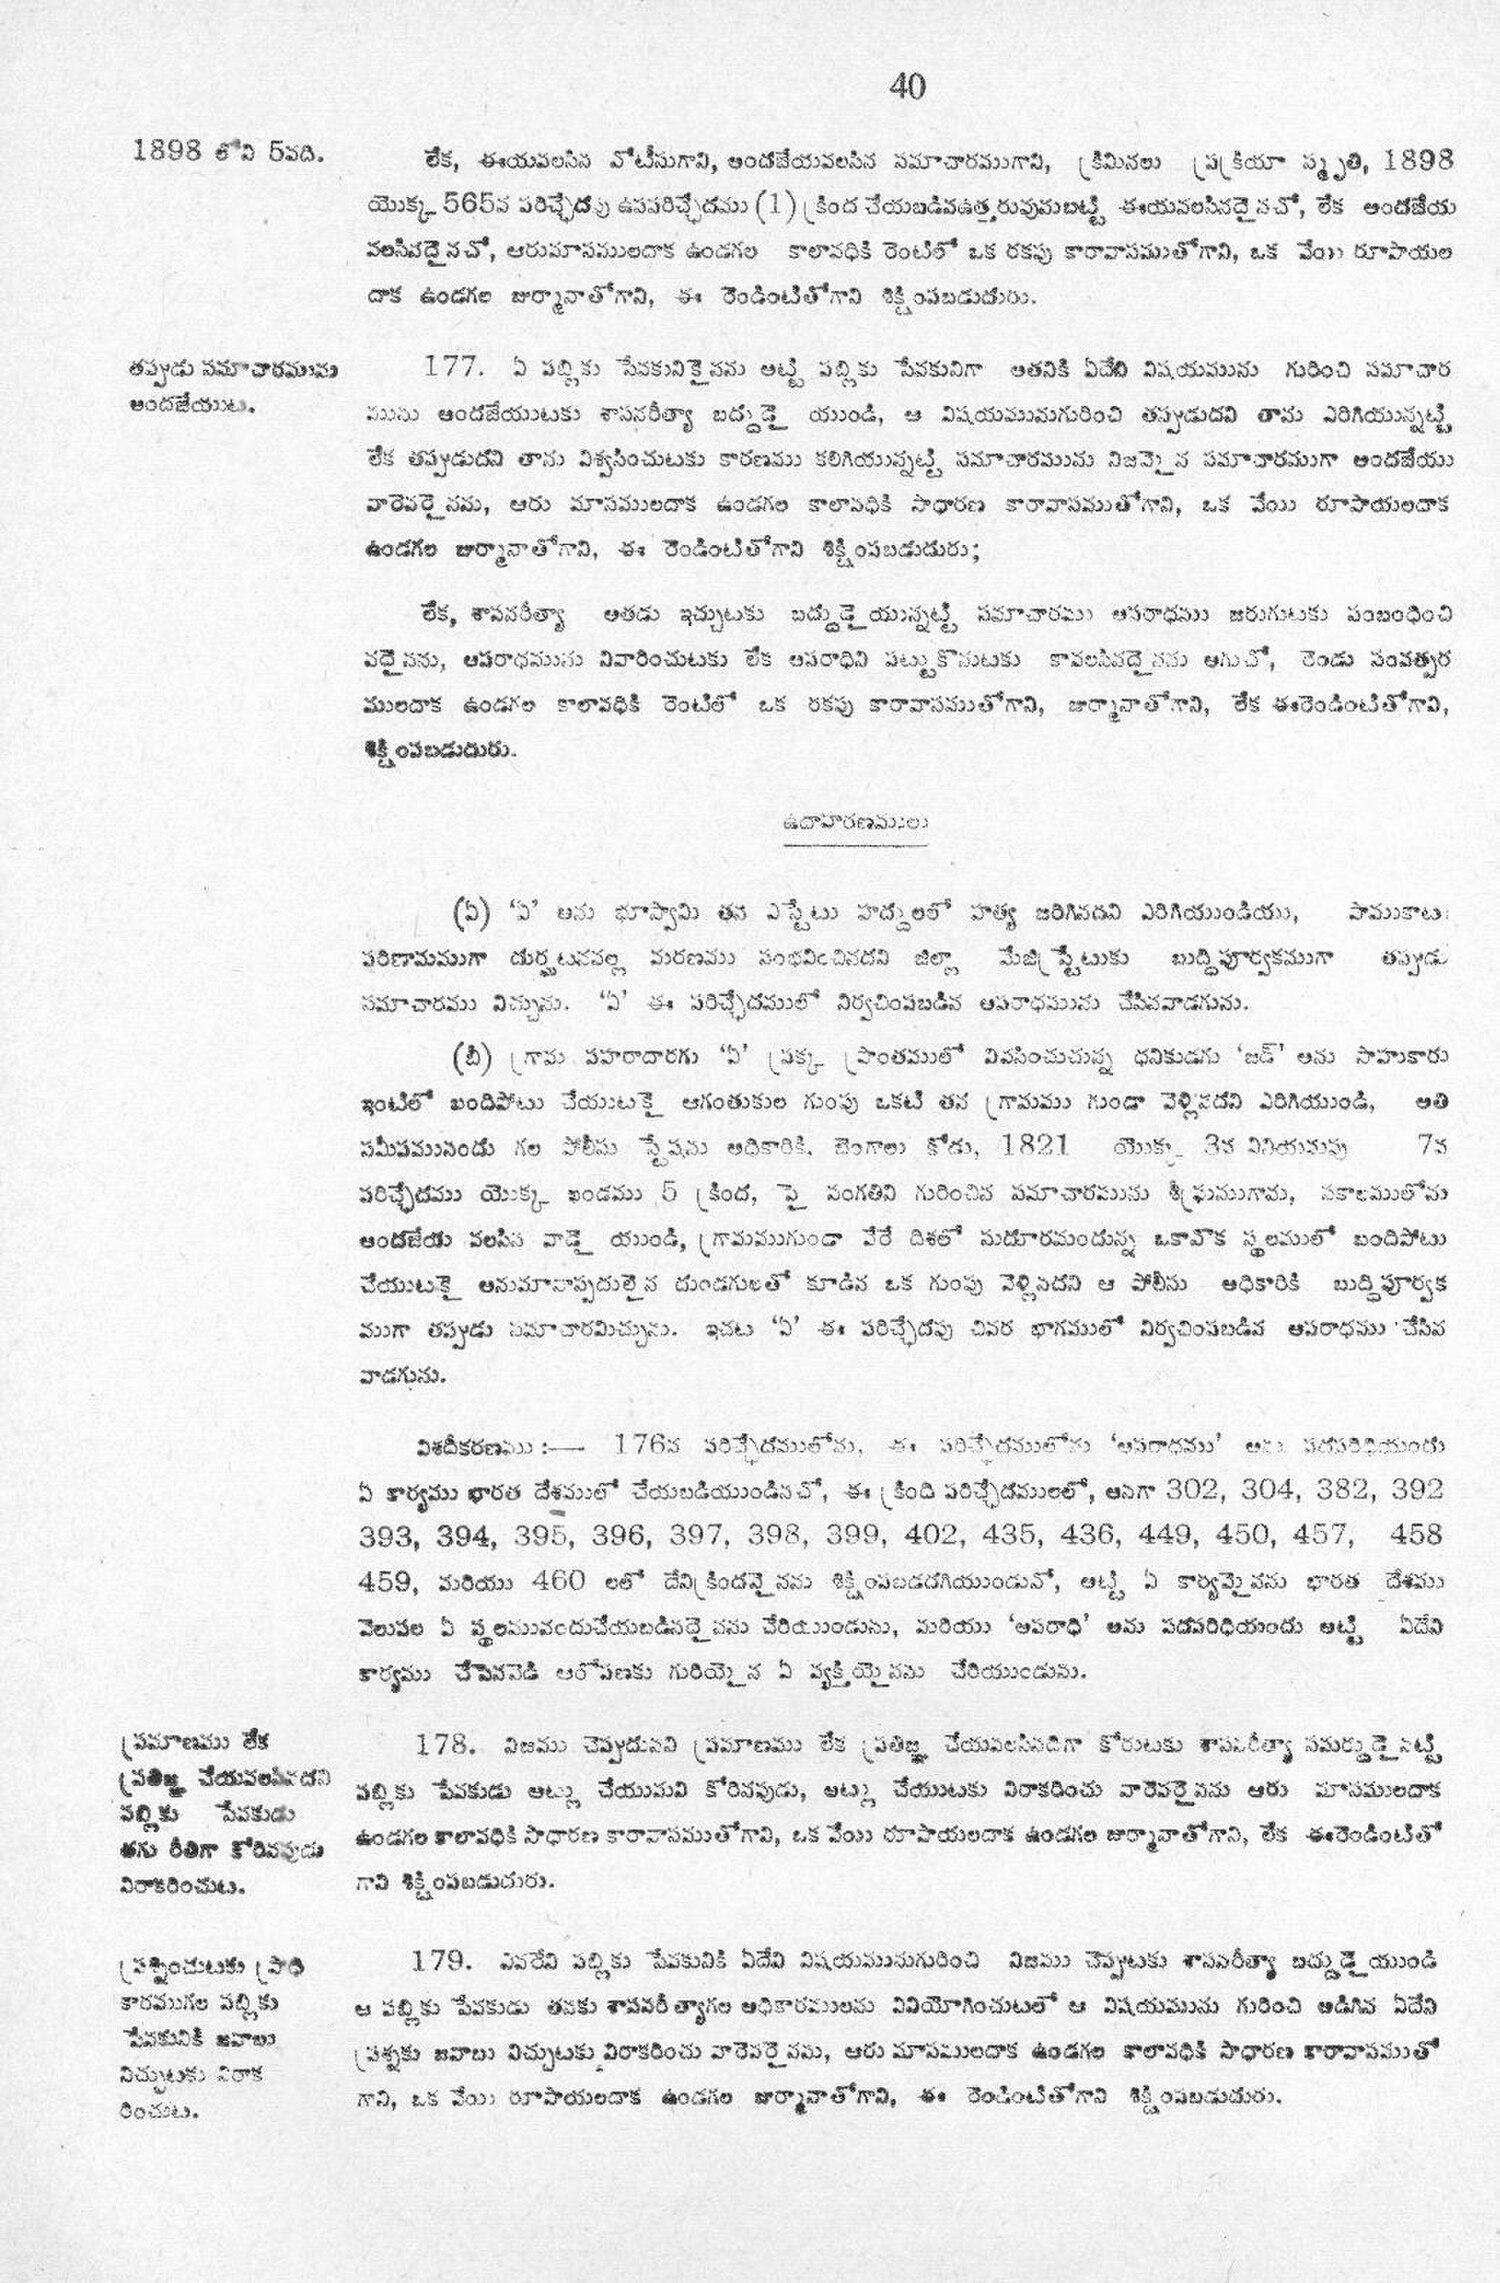1898 లోని 5వది.

లేక, ఈయవలసిన నోటీసుగాని, అందచేయవలసిన సమాచారముగాని, క్రిమినలు ప్రక్రియా స్మృతి, 1898 యొక్క 565వ పరిచ్ఛేదపు ఉపపరిచ్ఛేదము (1) క్రింద చేయబడిన ఉత్త రువును బట్టి ఈయవలసినదైనచో, లేక అందజేయ వలసినదైనచో, ఆరుమాసములదాక ఉండగల కాలావధికి రెంటిలో ఒక రకపు కారావాసముతో గాని, ఒక వేయి రూపాయల
దాక ఉండగల జుర్మానాతో గాని, ఈ రెండింటితోగాని శిక్షింపబడుదురు.

తప్పుడు సమాచారమును అందజేయుట,

177. ఏ పబ్లికు సేవకుని కైనను అట్టి పబ్లికు సేవకునిగా అతనికి ఏదేని విషయమును గురించి సమాచారమును ఆందజేయుటకు శాసనరీత్యా బద్దుడై యుండి, ఆ విషయమును గురించి తప్పుడుదని తాము ఎరిగియున్నట్టి లేక తప్పుడుదని తాను విశ్వసించుటకు కారణము కలిగియున్నట్టి సమాచారమును నిజమైన సమాచారముగా అందజేయు
వారెవరైనను, ఆరు మాసములదాక ఉండగల కాలావధికి సాధారణ కారావాసములోగాని, ఒక వేయి రూపాయలదాక
ఉండగల జూర్మానాతోగాని, ఈ రెండింటితో గాని శిక్షింపబడుదురు;

లేక, శాసన రీత్యా అతడు ఇచ్చుటకు బద్దుడై యున్నట్టి సమాచారము అపరాధము జరుగుటకు సంబంధించినదైనను, ఆపరాధమును నివారించుటకు లేక అపరాధిని పట్టుకొనుటకు కావలసినదై నను ఆగుచో, రెండు సంవత్సరములదాక ఉండగల కాలావధికి రెంటిలో ఒక రకపు కారావాసముతో గాని, జూర్మానాతో గాని, లేక ఈ రెండింటితోగాని,
శిక్షింపబడుదురు.

(ఏ) 'ఏ' అను భూస్వామి తన ఎస్టేటు హద్దులలో హత్య జరిగినదని ఎరిగియుండియు, పాముకాట, పరిణామముగా దుర్ఘటనల్ల మరణము సంభవించినదని జిల్లా మేజిస్టేటుకు బుద్ధి పూర్వకముగా తప్పుడు సమాచారము నిచ్చును. 'ఏ' ఈ పరిచ్ఛేదములో నిర్వచింపబడిన అపరాధమును చేసినవాడగును.

(బి) గ్రామ పహరాదారగు 'ఏ' ప్రక్క ప్రాంతములో నివసించుచున్న ధనికుడగు 'జడ్' అను సాహుకారు ఇంటిలో బందిపోటు చేయుటకై ఆగంతుకుల గుంపు ఒకటి తన గ్రామము గుండా వెళ్లినదని ఎరిగియుండి, అతి సమీపమునందు గల పోలీసు స్టేషను అధికారికి, బెంగాలు కోడు, 1821 3వ వినియమపు 7వ పరిచ్ఛేదము యొక్క ఖండము 5 క్రింద, పై సంగతిని గురించిన సమాచారమును శీఘ్రముగామ, సకాలములోను అందజేయ వలసిన వాడై యుండి, గ్రామముగుండా వేరే దిశలో సుదూరమందున్న ఒకానోక స్థలములో బందిపోటు చేయుటకై అనుమానాస్పదులైన దుండగులతో కూడిన ఒక గుంపు వెళ్లినదని ఆ పోలీసు అధికారికి బుద్ధి పూర్వకముగా తప్పుడు సమాచారమిచ్చును. ఇచట 'ఏ' ఈ పరిచ్ఛేదపు చివర భాగములో నిర్వచింపబడిన ఆపరాధము చేసిన వాడగును.

విశదీకరణము:—— 176న పరిచ్ఛేదములోను, ఈ పరిచ్చేదములోను 'అపరాధము' అను, పదపరిధి యందు ఏ కార్యము భారత దేశములో చేయబడియుండినచో, ఈ క్రింది పరిచ్ఛేదములలో, అనగా 302, 304, 382, 392, 393, 394, 395, 396, 397, 398, 399, 402, 435, 436, 449, 450, 457, 458, 459, మరియు 460 లలో దేవి క్రిందనై నను శిక్షింపబడదగియుండునో, అట్టి ఏ కార్యమైనను భారత దేశము వెలుపల ఏ స్థలమునందుచేయబడినదైనను చేరియుండును, మరియు 'అపరాధి' అను పదపరిధియందు అట్టి ఏదేని కార్యము చేసెననెడి ఆరోపణకు గురియైన ఏ వ్యక్తి యైనను చేరియుండును.

ప్రమాణము లేక ప్రతిజ్ఞ చేయవలసినదని పబ్లికు సేవకుడు తగు రీతిగా కోరినప్పుడు నిరాకరించులు,

178. నిజము చెప్పుదునని ప్రమాణము లేక ప్రతిజ్ఞ చేయవలసినదిగా కోరుటకు శాసనరీత్యా సమర్దుడై నట్టి పబ్లికు సేవకుడు అట్లు చేయుమని కోరినపుడు, అట్లు చేయుటకు నిరాకరించు వారెవరైనను ఆరు మాసములదాక ఉండగల కాలావధికి సాధారణ కారావాసముతో గాని, ఒక వేయి రూపాయలదాక ఉండుగల జూర్మానాతోగాని, లేక ఈ రెండింటిలో గాని శిక్షింపబడుదురు.

ప్రశ్పించుటకు ప్రాధికారముగల పబ్లికు సేవకునికి జవాబు నిచ్చుటకు నిరాకరించుట,

179. ఎవరేని పబ్లికు సేవకునికి ఏదేని విషయమును గురించి నిజము చెప్పుటకు శాసనరీత్యా బద్దుడైయుండి ఆ పబ్లికు సేవకుడు తనకు శాసనరీత్యాగల అధికారములను వినియోగించుటలో ఆ విషయమును గురించి అడిగిన ఏదేని ప్రశ్నకు జవాబు నిచ్చుటకు నిరాకరించు వారెవరైనను, ఆరు మాసములదాక ఉండగల కాలావధికి సాధారణ కారావాసముతో
గాని, ఒక వేయి రూపాయలదాక ఉండగల జుర్మానాతో గాని, ఈ రెండింటితోగాని శిక్షింపబడుదురు.